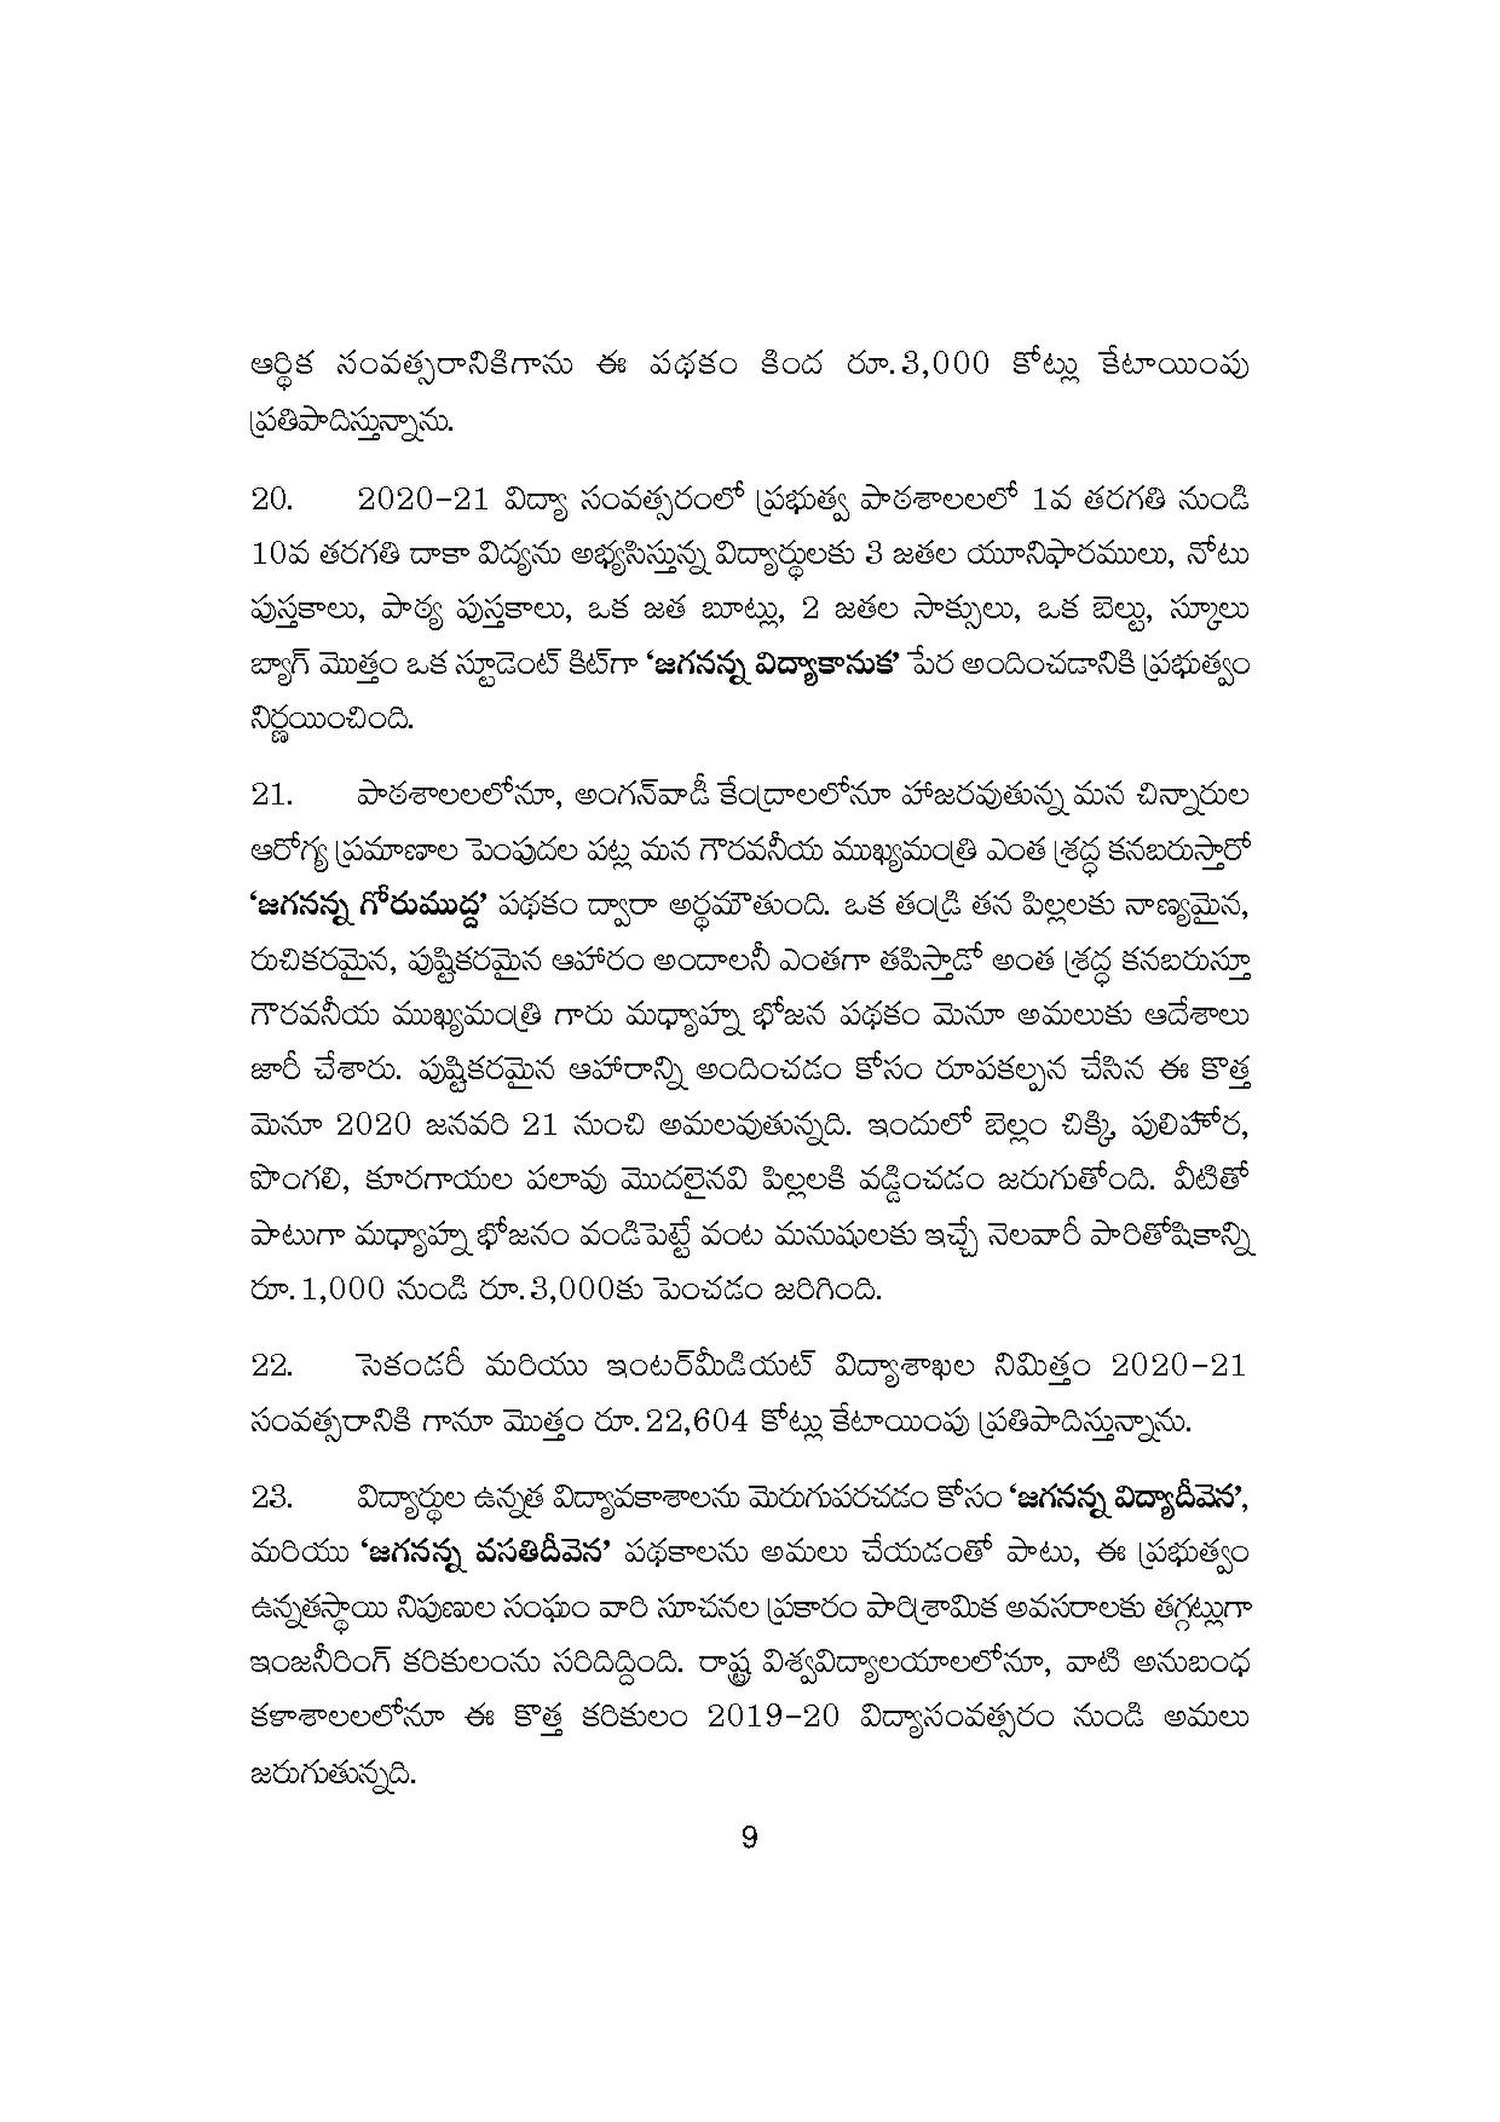ఆర్థిక సంవత్సరానికిగాను ఈ పథకం కింద రూ. 3,000 కోట్లు కేటాయింపు ప్రతిపాదిస్తున్నాను. 

20. 2020-21 విద్యా సంవత్సరంలో ప్రభుత్వ పాఠశాలలలో 1వ తరగతి నుండి 10వ తరగతి దాకా విద్యను అభ్యసిస్తున్న విద్యార్థులకు 3 జతల యూనిఫారములు, నోటు పుస్తకాలు, పాఠ్య పుస్తకాలు, ఒక జత బూట్లు, 2 జతల సాక్సులు, ఒక బెల్టు, స్కూలు బ్యాగ్ మొత్తం ఒక స్టూడెంట్ కిట్ గా 'జగనన్న విద్యాకానుక' పేర అందించడానికి ప్రభుత్వం నిర్ణయించింది. 

21. పాఠశాలలలోనూ, అంగన్‌వాడీ కేంద్రాలలోనూ హాజరవుతున్న మన చిన్నారుల ఆరోగ్య ప్రమాణాల పెంపుదల పట్ల మన గౌరవనీయ ముఖ్యమంత్రి ఎంత శ్రద్ధ కనబరుస్తారో 'జగనన్న గోరుముద్ద' పథకం ద్వారా అర్థమౌతుంది. ఒక తండ్రి తన పిల్లలకు నాణ్యమైన, రుచికరమైన, పుష్టికరమైన ఆహారం అందాలనీ ఎంతగా తపిస్తాడో అంత శ్రద్ధ కనబరుస్తూ గౌరవనీయ ముఖ్యమంత్రి గారు మధ్యాహ్న భోజన పథకం మెనూ అమలుకు ఆదేశాలు జారీ చేశారు. పుష్టికరమైన ఆహారాన్ని అందించడం కోసం రూపకల్పన చేసిన ఈ కొత్త
మెనూ 2020 జనవరి 21 నుంచి అమలవుతున్నది. ఇందులో బెల్లం చిక్కి పులిహోర, పొంగలి, కూరగాయల పలావు మొదలైనవి పిల్లలకి వడ్డించడం జరుగుతోంది. వీటితో పాటుగా మధ్యాహ్న భోజనం వండి పెట్టే వంట మనుషులకు ఇచ్చే నెలవారీ పారితోషికాన్ని రూ.1,000 నుండి రూ.3,000కు పెంచడం జరిగింది. 

22. సెకండరీ మరియు ఇంటర్మీడియట్ విద్యాశాఖల నిమిత్తం 2020-21 సంవత్సరానికి గానూ మొత్తం రూ. 22,604 కోట్లు కేటాయింపు ప్రతిపాదిస్తున్నాను. 

23. విద్యార్థుల ఉన్నత విద్యావకాశాలను మెరుగుపరచడం కోసం 'జగనన్న విద్యాదీవెన', మరియు 'జగనన్న వసతిదీవెన' పథకాలను అమలు చేయడంతో పాటు, ఈ ప్రభుత్వం ఉన్నతస్థాయి నిపుణుల సంఘం వారి సూచనల ప్రకారం పారిశ్రామిక అవసరాలకు తగ్గట్లుగా ఇంజనీరింగ్ కరికులంను సరిదిద్దింది. రాష్ట్ర విశ్వవిద్యాలయాలలోనూ, వాటి అనుబంధ కళాశాలలలోనూ ఈ కొత్త కరికులం 2019-20 విద్యాసంవత్సరం నుండి అమలు జరుగుతున్నది.